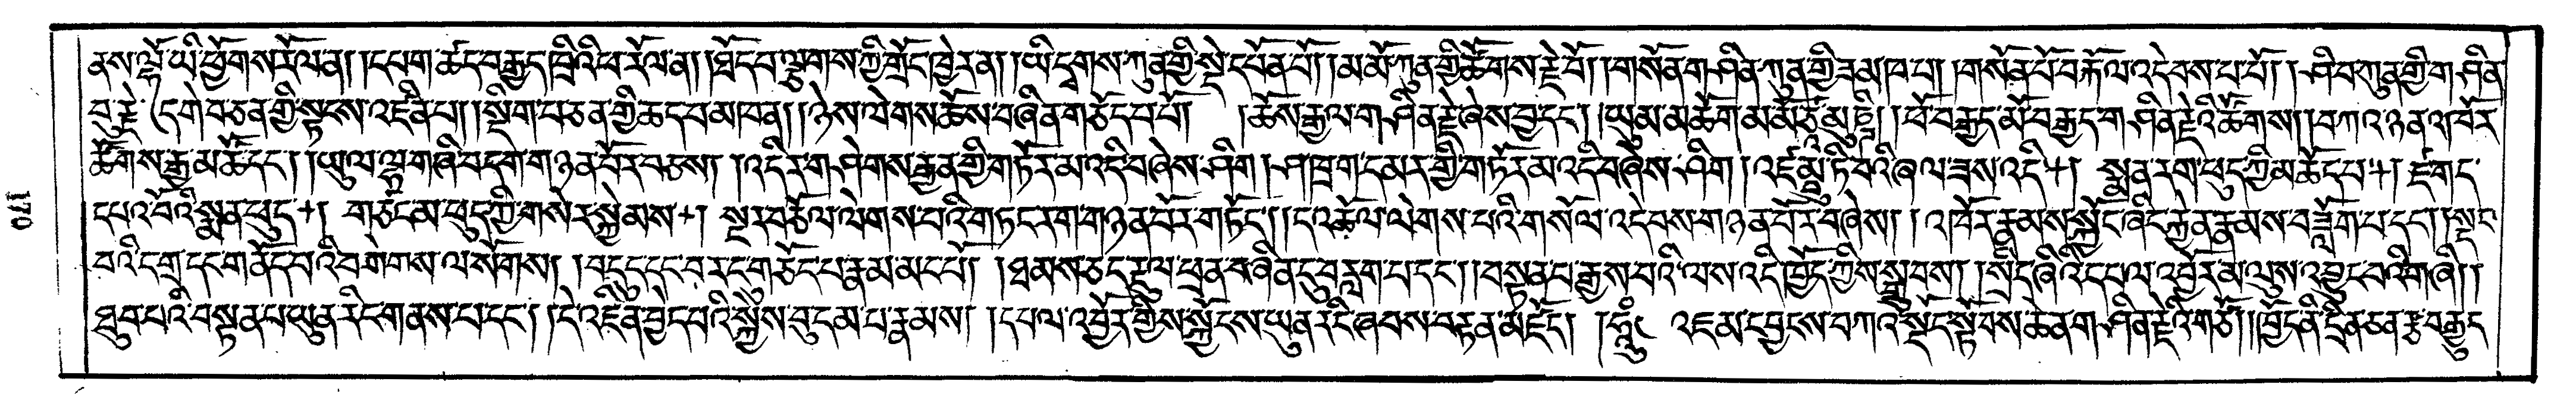ནས་ལྷོ་ཡི་ཕྱོགས་རོལ་ན། །དཔག་ཚད་བརྒྱད་ཁྲིའི་ཕ་རོལ་ན། །ཐོད་པ་ལྕགས་ཀྱི་གྲོང་ཁྱེར་ན། །ཡི་དྭགས་ཀུན་གྱི་སྡེ་དཔོན་པོ། །མ་མོ་ཀུན་གྱི་ཚོགས་རྗེ་བོ། །གསོན་གཤིན་ཀུན་གྱི་ཟམ་ཁ་པ། །གསོན་པོ་བརྐོ་ལ་འདེབས་པ་པོ། །ཤི་བ་ཀུན་གྱི་གཤིན་
བུ་རྗེ༑ ༑དགེ་བ་ཅན་གྱི་སྟངས་འཛིན་པ། །སྡིག་པ་ཅན་གྱི་ཆད་པ་མཁན། །ཉེས་ལེགས་ཆོས་བཞིན་གཅོད་པ་པོ། །ཆོས་རྒྱལ་གཤིན་རྗེ་ཞེས་བྱ་དང་། །ཡུམ་མཆོག་མ་མོ་ཙཱ་མུཎྜི། །ཕོ་བརྒྱད་མོ་བརྒྱད་གཤིན་རྗེའི་ཚོགས། །བཀའ་ཉན་འཁོར་
ཚོགས་རྒྱ་མཚོ་དང་། །ཡུལ་ལྷ་གཞི་བདག་གཉན་པོར་བཅས། །འདིར་གཤེགས་རྒྱན་གྱི་གཏོར་མ་འདི་བཞེས་ཤིག །ཤ་ཁྲག་དམར་གྱི་གཏོར་མ་འདི་བཞེས་ཤིང་། །འཛམ་བུ་ཏི་བའི་ཞལ་ཟས་འདི། སྨན་རག་ཕུད་ཀྱི་མཆོད་པ། རྫ་གད་
དཔའ་བོའི་སྨན་ཕུད། གཙང་མ་ཕུད་ཀྱི་གསེར་སྐྱེམས། སྔར་བཅོལ་ལེགས་པའི་གཏང་རག་གཉན་པོར་གཏོང་། །ད་འཆོལ་ལེགས་པའི་གསོལ་འདེབས་གཉན་པོར་བཞེས། །འཁོར་རྣམས་སྐྱོང་ཞིང་རྐྱེན་རྣམས་བཟློག་པ་དང་། །སྡང་
བའི་དགྲ་དང་གནོད་པའི་བགེགས་ལ་སོགས། །བདུད་དང་བར་དུ་གཅོད་པ་རྣམ་མང་པོ། །ཐམས་ཅད་རྡུལ་ཕྲན་བཞིན་དུ་བརླག་པ་དང་། །བསྟན་པ་རྒྱས་པའི་ལས་འདི་ཁྱོད་ཀྱིས་བསྒྲུབས། །སྲིད་ཞིའི་དཔལ་འབྱོར་མ་ལུས་འབྱུང་བའི་གཞི།།
ཐུབ་པའི་བསྟན་པ་ཡུན་རིང་གནས་པ་དང་། །དེ་འཛིན་བྱེད་པའི་སྐྱེས་བུ་དམ་པ་རྣམས། །དཔལ་འབྱོར་གྱིས་སྐྱོངས་ཡུན་རིང་ཞབས་བརྟན་མཛོད། །ཧཱུཾ། འཇམ་དབྱངས་བཀའ་སྡོད་སྟོབས་ཆེན་གཤིན་རྗེའི་གཙོ། །ཁྱོད་ནི་དྲིན་ཅན་རྩ་བརྒྱུད་